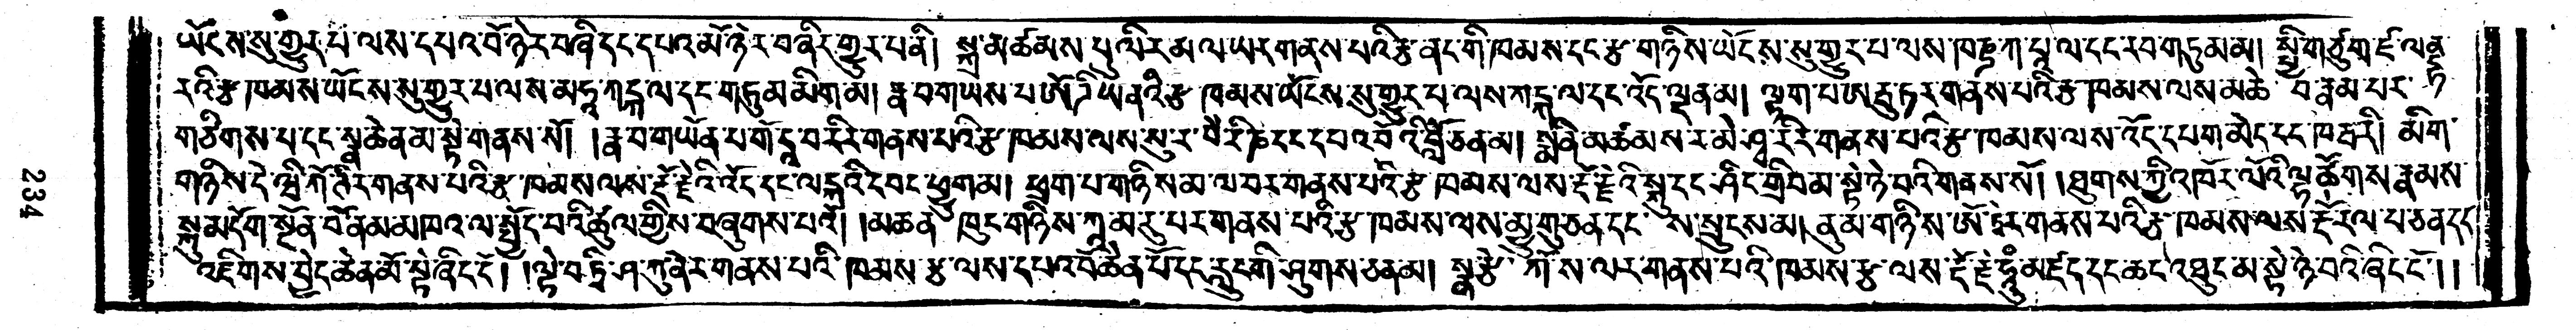ཡོངས་སུ་གྱུར་པ་ལས་དཔའ་བོ་ཉེར་བཞི་དང་དཔའ་མོ་ཉེར་བཞིར་གྱུར་པ་ནི། སྐྲ་མཚམས་པུ་ལིར་མལ་ཡར་གནས་པའི་རྩ་ནང་གི་ཁམས་དང་རྩ་གཉིས་ཡོངས་སུ་གྱུར་པ་ལས་ཁཎྜ་ཀ་པཱ་ལ་དང་རབ་གཏུམ་མ། སྤྱི་གཙུག་ཛ་ལནྡྷ་
རའི་རྩ་ཁམས་ཡོངས་སུ་གྱུར་པ་ལས་མཧཱ་ཀངྐ་ལ་དང་གཏུམ་མིག་མ། རྣ་བ་གཡས་པ་ཡོ་ཌི་ཡ་ནའི་རྩ་ཁམས་ཡོངས་སུ་གྱུར་པ་ལས་ཀངྐ་ལ་དང་འོད་ལྡན་མ། ལྟག་པ་ཨརྦུ་ཏར་གནས་པའི་རྩ་ཁམས་ལས་མཆེ་བ་རྣམ་པར་
གཙིགས་པ་དང་སྣ་ཆེན་མ་སྟེ་གནས་སོ། །རྣ་བ་གཡོན་པ་གོ་དཱ་བ་རིར་གནས་པའི་རྩ་ཁམས་ལས་སུ་ར་བཻ་རི་ཎ་དང་དཔའ་བོའི་བློ་ཅན་མ། སྨིན་མཚམས་ར་མེ་ཤྭ་རིར་གནས་པའི་རྩ་ཁམས་ལས་འོད་དཔག་མེད་དང་ཁརྦ་རི། མིག་
གཉིས་དེ་ཝི་ཀོ་ཊིར་གནས་པའི་རྩ་ཁམས་ལས་རྡོ་རྗེའི་འོད་དང་ལངྐའི་དབང་ཕྱུག་མ། ཕྲག་པ་གཉིས་མ་ལ་བར་གནས་པའི་རྩ་ཁམས་ལས་རྡོ་རྗེའི་སྐུ་དང་ཤིང་གྲིབ་མ་སྟེ་ཉེ་བའི་གནས་སོ། །ཐུགས་ཀྱི་འཁོར་ལོའི་ལྷ་ཚོགས་རྣམས་
སྐུ་མདོག་སྔོན་བོ་ནམ་མཁའ་ལ་སྤྱོད་པའི་ཚུལ་གྱིས་བཞུགས་པའོ། །མཆན་ཁུང་གཉིས་ཀཱ་མ་རུ་པར་གནས་པའི་རྩ་ཁམས་ལས་མྱུ་གུ་ཅན་དང་། ས་སྲུངས་མ། ནུ་མ་གཉིས་ཨོ་ཏྭེར?་གནས་པའི་རྩ་ཁམས་ལས་རྡོ་རལ་པ་ཅན་དང་
འཇིགས་བྱེད་ཆེན་མོ་སྟེ་ཞིང་ངོ། །ལྟེ་བ་ཏྲི་ཤ་ཀུ་ནེར་གནས་པའི་ཁམས་རྩ་ལས་དཔའ་བོ་ཆེན་པོ་དང་རླུང་གི་ཤུགས་ཅན་མ། སྣ་རྩེ་ཀོ་ས་ལར་གནས་པའི་ཁམས་རྩ་ལས་རྡོ་རྗེ་ཧཱུཾ་མཛད་དང་ཆང་འཐུང་མ་སྟེ་ཉེ་བའི་ཞིང་ངོ། །